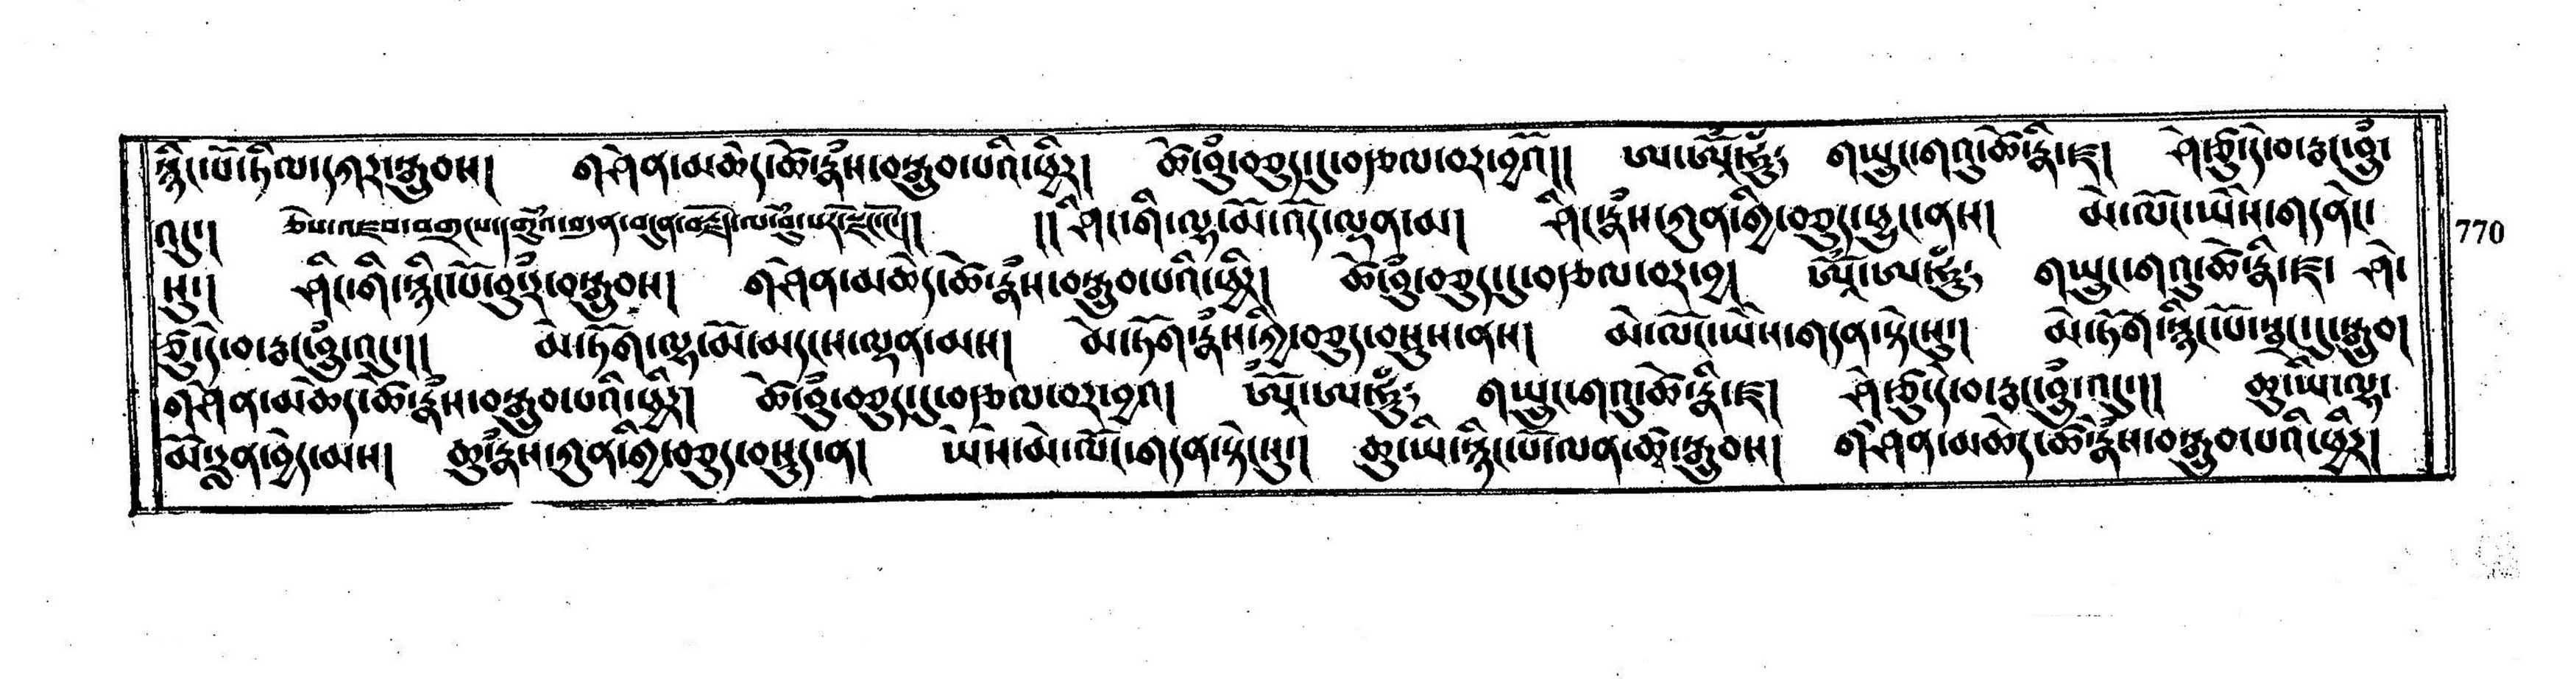སྙིང་པོ་ཏིལ་དཀར་བསྒྲུབས། གཤེན་མཆེད་ཚེ་རྣམས་བསྒྲུབ་པའི་ཕྱིར། ཚེ་བུམ་བཅུད་དུ་བརྩལ་བར་བྱའོ།། ཨ་ཨཱོཾ་ཧཱུཾ གཡུང་དྲུང་གའུ་ཚེ་རྣི་ཛ། ཤེ་ཙུ་དེ་བ་རྦང་བྲུཾ་
འདུ། ཅེས་འཛབ་གྲངས་དགུའམ་བདུན་བདུན་བརྗོད་ལ་བུམ་པར་རྫོང་ངོ་།། ཤིང་གི་ལྷ་མོ་འོད་ལྡན་མ། ཤིང་རྣམས་ཀུན་གྱི་བཅུད་ཕྱུང་ནས། མེ་ལོང་ཡེ་ཤེས་གདན་སྟེང་
སུ། ཤིང་གི་སྙིང་པོ་བུ་རཾ་བསྒྲུབས། གཤེན་མཆེད་ཚེ་རྣམས་བསྒྲུབ་པའི་ཕྱིར། ཚེ་བུམ་བཅུད་དུ་བརྩལ་བར་བྱ། ཨཱོཾ་ཨ་ཧཱུཾ གཡུང་དྲུང་གའུ་ཚེ་རྣི་ཛ་ཤེ་
ཙུ་དེ་བ་རྦང་བྲུཾ་འདུ།། མེ་ཏོག་ལྷ་མོ་མདངས་ལྡན་མས། མེ་ཏོག་རྣམས་ཀྱི་བཅུད་བསྡུས་ནས། མེ་ལོང་ཡེ་ཤེས་གདན་སྟེངས་སུ། མེ་ཏོག་སྙིང་པོ་སྦྲང་དུ་སྒྲུབ།
གཤེན་མཆེད་ཚེ་རྣམས་བསྒྲུབ་པའི་ཕྱིར། ཚེ་བུམ་བཅུད་དུ་བརྩལ་བར་བྱ། ཨཱོཾ་ཨ་ཧཱུཾ གཡུང་དྲུང་གའུ་ཚེ་རྣི་ཛ། ཤེ་ཙུ་དེ་བ་རྦང་བྲུཾ་འདུ།། ཆུ་ཡི་ལྷ་
མོ་རླན་བྱེད་མས། ཆུ་རྣམས་ཀུན་གྱི་བཅུད་བསྡུད་ན། ཡེ་ཤེས་མེ་ལོང་གདན་སྟེངས་སུ། ཆུ་ཡི་སྙིང་པོ་ལན་ཚྭ་སྒྲུབས། གཤེན་མཆེད་ཚེ་རྣམས་བསྒྲུབ་པའི་ཕྱིར།